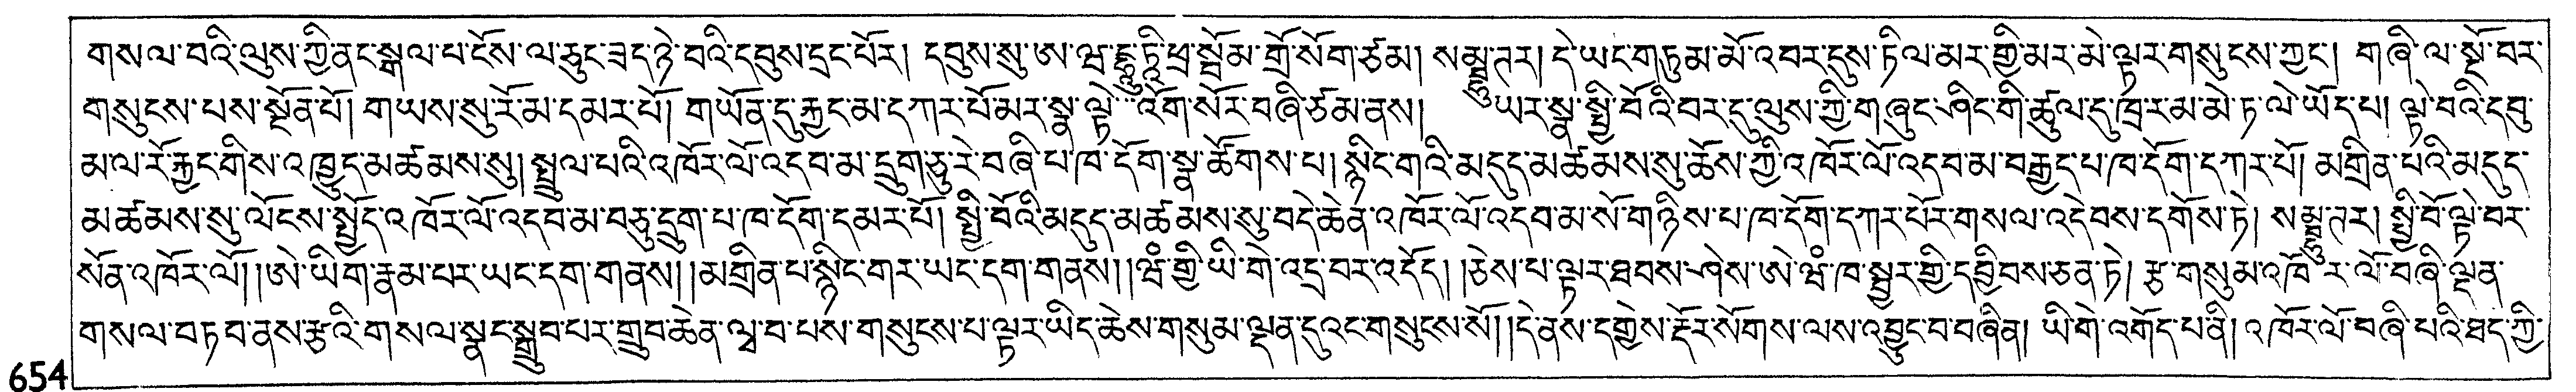གསལ་བའི་ལུས་ཀྱི་ནང་སྒལ་པ་ངོས་ལ་ཅུང་ཟད་ཉེ་བའི་དབུས་དྲང་པོར། དབུས་སུ་ཨ་ཝ་དྷཱུ་ཏཱི་ཕྲ་སྦོམ་གྲོ་སོག་ཙམ། སམྦྷུ་ཊར། དེ་ཡང་གཏུམ་མོ་འབར་དུས་ཏིལ་མར་གྱི་མར་མེ་ལྟར་གསུངས་ཀྱང་། གཞི་ལ་སྔོ་བར་
གསུངས་པས་སྔོན་པོ། གཡས་སུ་རོ་མ་དམར་པོ། གཡོན་དུ་རྐྱང་མ་དཀར་པོ་མར་སྣ་ལྟེ་འོག་སོར་བཞི་ཙམ་ནས། ཡར་སྣ་སྤྱི་བོའི་བར་དུ་ལུས་ཀྱི་གཞུང་ཤིང་གི་ཚུལ་དུ་ཁྲ་ར་མ་མེ་ཏ་ལེ་ཡོད་པ། ལྟེ་བའི་དབུ་
མ་ལ་རོ་རྐྱང་གིས་འཁྱུད་མཚམས་སུ། སྤྲུལ་པའི་འཁོར་ལོ་འདབ་མ་དྲུག་ཅུ་རེ་བཞི་པ་ཁ་དོག་སྣ་ཚོགས་པ། སྙིང་གའི་མདུད་མཚམས་སུ་ཆོས་ཀྱི་འཁོར་ལོ་འདབ་མ་བརྒྱད་པ་ཁ་དོག་དཀར་པོ། མགྲིན་པའི་མདུད་
མཚམས་སུ་ལོངས་སྤྱོད་འཁོར་ལོ་འདབ་མ་བཅུ་དྲུག་པ་ཁ་དོག་དམར་པོ། སྤྱི་བོའི་མདུད་མཚམས་སུ་བདེ་ཆེན་འཁོར་ལོ་འདབ་མ་སོ་གཉིས་པ་ཁ་དོག་དཀར་པོར་གསལ་འདེབས་དགོས་ཏེ། སམྦྷུ་ཊར། སྤྱི་བོ་ལྟེ་བར་
སོན་འཁོར་ལོ། །ཨེ་ཡིག་རྣམ་པར་ཡང་དག་གནས། །མགྲིན་པ་སྙིང་གར་ཡང་དག་གནས། །ཝཾ་གྱི་ཡི་གེ་འདྲ་བར་འདོད། །ཅེས་པ་ལྟར་ཐབས་ཤེས་ཨེ་ཝཾ་ཁ་སྦྱར་གྱི་དབྱིབས་ཅན་ཏེ། རྩ་གསུམ་འཁོར་ལོ་བཞི་ལྡན་
གསལ་བཏབ་ནས་རྩའི་གསལ་སྣང་སྒྲུབ་པར་གྲུབ་ཆེན་ཝྭ་བ་པས་གསུངས་པ་ལྟར་ཡིད་ཆེས་གསུམ་ལྡན་དུའང་གསུངས་སོ། །དེ་ནས་དགྱེས་རྡོར་སོགས་ལས་འབྱུང་བ་བཞིན། ཡི་གེ་འགོད་པ་ནི། འཁོར་ལོ་བཞི་པའི་ཐད་ཀྱི་